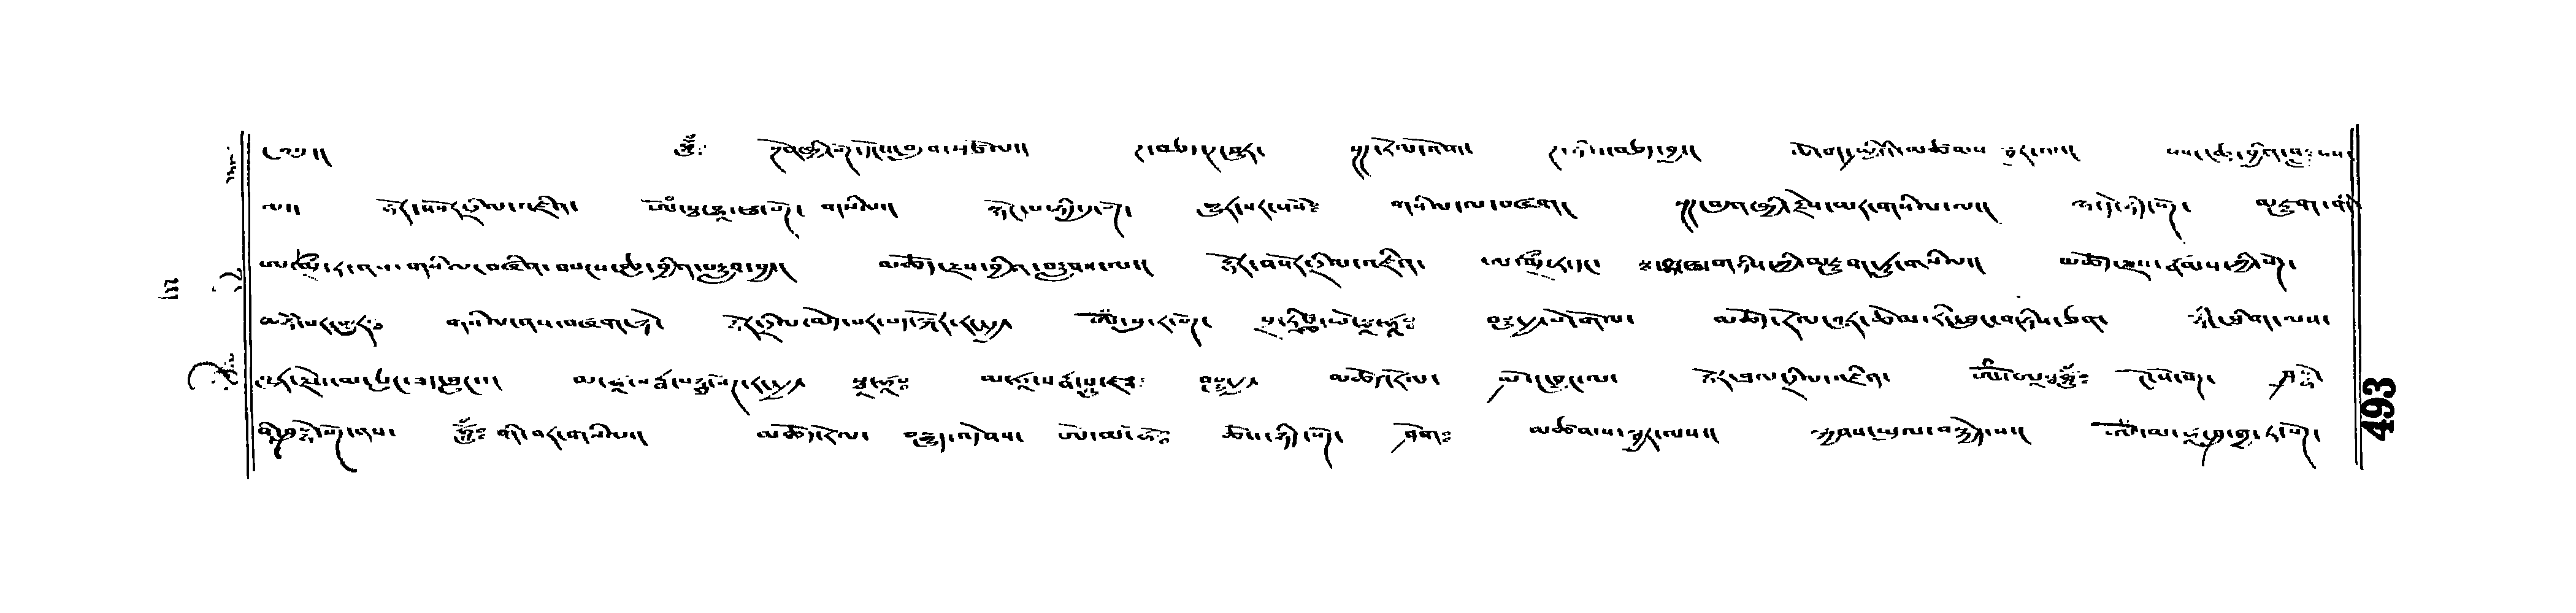ཧཱུྃ༔ སྔོན་གྱི་སོགས། ས དངོས་གྲུབ་སྩོལ། ཌཱ་བཅད་ཌཱ་འུར། སྔགས་རོལ་འོག ཌཱ་ཉིས་བཅད་བྱ། ཆོ་ག་སྤྱིའི་མཚམས་སྦྱར་ལ། བསང་ཆུ་བྱིན་རླབས་
ལ།ས རྡོར་གསོར་དྲིལ་འཛིན། ས ཨོཾ་སྭ་བྷཱ་ཝ་སོགས། ས གསིལ། སྟོང་པ་ཉིད་དུ་སོགས། གྱུར་པར་བསམ༔ གསིལ་ལ་བཞག སྔགས་བདུན་གྱི་རྗེས་མར་གསིལ་ལ། ས ལྷ་དེ་ཉིད་སོགས། མཇུག་ག ི་
ཨ་མྲྀ་ཏ་ནས་གསིལ་བཞི། བསང་ཆུ་བྱིན་བརླབས་བྱ། མཆོད་རྫས་བྱིན་བརླབས་ལ། རྡོར་གསོར་དྲིལ་འཛིན། ཨ་མྲྀ་ཏ་དང་། སྭ་བྷ་ཝ་གཉིས་ཀྱི་མཇུག་ཏུ་གསིལ། མཆོད་རྫས་རྣམས་ཀྱི་སོགས། 
མཉམ་པར་གྱུར༔ གསིལ་ནས་བཞག་སྟེ། རྡོར་དྲིལ་མེད་པར་པད་སྐོར་རང་རྒྱ། ཨོཾ་སུ་ར་སོགས། པྲ་ཏཱིཙྪ་ཡེ་སྭཱ་ཧཱཿ བསྡུ་རྒྱ་སེ་གོལ། མཆོད་རོལ་འུར་ཆེམ་རིང་ཐུང་གཉིས་ཅན། ས སྙིང་ཐིག་ལས་
འུར་རྗེས་མ་ཅུང་ཟད་ཐུང་། མ་ཧཱ་སརྦ་པཉྩ་སོགས་རང་རྒྱ། སྭཱ་ཧཱཿ མ་ཧཱ་སརྦ་པཱུ་ཛཿ བསྡུ་རྒྱ། མཆོད་རོལ། སྤོས་ཕྱུང་ལ་རྡོར་ཐལ་དྲིལ་འཛིན། ཨོཾ་ཨཱཿཧཱུྃ༔ ངོ་བོ་སོགས། ཤུ་དྷོ་
ནི་ཤུདྡྷེ་སོགས་ནས། ཧཱུྃ༔གི་བར་གསིལ། མཆོད་རོལ། བརྒྱུད་འདེབས། ཨེ་མ་ཧོཿ ཆོས་ཉིད་སོགས། ཤོག༔ མཚམས་སྦྱར་ལས། སྐྱབས་ཡུལ་བསྐྱེད་པ། ཨོཾ་མ་ཧཱ་ཤུ་ནྱ་ཏ་སོགས།